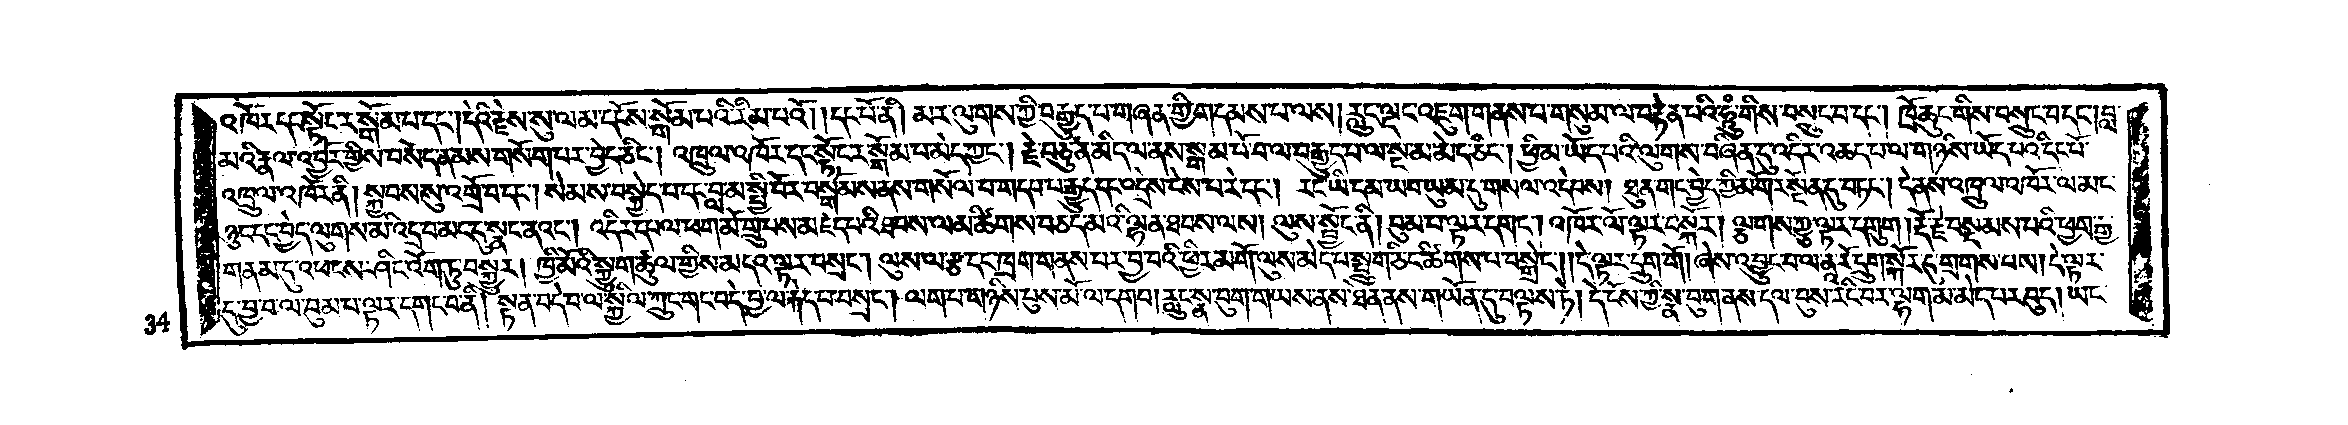འཁོར་དང་སྟོང་ར་སྒོམ་པ་དང་། དེའི་རྗེས་སུ་ལམ་དངོས་སྒོམ་པའི་རིམ་པའོ། །དང་པོ་ནི། མར་ལུགས་ཀྱི་བརྒྱུད་པ་གཞན་གྱི་གདམས་པ་ལས། རླུང་ལྡང་འཇུག་གནས་པ་གསུམ་ལ་བརྟེན་པའི་ཧཱུཾ་གིས་བསྲུང་བ་དང་། ཁྲོ་ཆུང་གིས་བསྲུང་བ་དང་། བླ་
མའི་རྣལ་འབྱོར་གྱིས་བསོད་ནམས་གསོག་པར་བྱེད་ཅིང་། འཁྲུལ་འཁོར་དང་སྟོང་ར་སྒོམ་པ་མེད་ཀྱང་། རྗེ་བཙུན་མིད་ལ་ནས་སྒོམ་པོ་བ་ལ་བརྒྱུད་པ་ལ་སྔ་མ་མེད་ཅིང་། ཕྱི་མ་ཡོད་པའི་ལུགས་བཞིན་དུ་འདིར་འཆད་པ་ལ་གཉིས་ཡོད་པའི་དང་པོ་
འཁྲུལ་འཁོར་ནི། སྐྱབས་སུ་འགྲོ་བ་དང་། སེམས་བསྐྱེད་པ་དང་བླ་མ་སྤྱི་བོར་བསྒོམས་ནས་གསོལ་བ་གདབ་པ་རྒྱུད་དང་འདྲེས་ངེས་པ་རེ་དང་། རང་ཡི་དམ་ཡབ་ཡུམ་དུ་གསལ་འདེབས། ཐུན་གང་བྱེད་ཀྱི་མགོར་སྔོན་དུ་བཏང་། དེ་ནས་འཁྲུལ་འཁོར་ལ་མང་
ཉུང་དང་བྱེད་ལུགས་མི་འདྲ་བ་མང་དུ་སྣང་ནའང་། འདིར་དཔལ་ཕག་མོ་གྲུ་པས་མཛད་པའི་ཐབས་ལམ་ཚིགས་བཅད་མའི་ལྷན་ཐབས་ལས། ལུས་སྦྱོང་ནི། བུམ་པ་ལྟར་དགང་། འཁོར་ལོ་ལྟར་བསྐོར། ལྕགས་ཀྱུ་ལྟར་དགུག །རྡོ་རྗེ་བསྡམས་པའི་ཕྱག་རྒྱ་
གནམ་དུ་འཕངས་ཤིང་འོག་ཏུ་བསྐྱུར། ཁྱི་མོའི་སྐྱུག་ཚུལ་གྱིས་མདའ་ལྟར་བསྲང་། ལུས་ལ་རྩ་དང་ཁྲག་གནས་པར་བྱ་བའི་ཕྱིར་མགོ་ལུས་མེད་པ་སྤྲུག་ཅིང་ཚིགས་པ་བསྒྲེང་། །དེ་ལྟར་དྲུག་གོ །ཞེས་འབྱུང་བ་ལ་ནཱ་རོ་དྲུག་སྐོར་དུ་གྲགས་པས། དེ་ལྟར་
དུ་བྱ་བ་ལ་བུམ་པ་ལྟར་དགང་བ་ནི། སྟན་བདེ་བ་ལ་སྐྱིལ་ཀྲུང་གང་བདེ་བྱ་ལ་རྐེད་པ་བསྲང་། ལག་པ་གཉིས་པུས་མོ་ལ་དགབ། རླུང་སྣ་བུག་གཡས་ནས་ཐེན་ནས་གཡོན་དུ་བལྟས་ཏེ། དེ་དངོས་ཀྱི་སྣ་བུག་ནས་དལ་བུས་རིང་བར་ལྷག་མ་མེད་པར་བུད། ཡང་